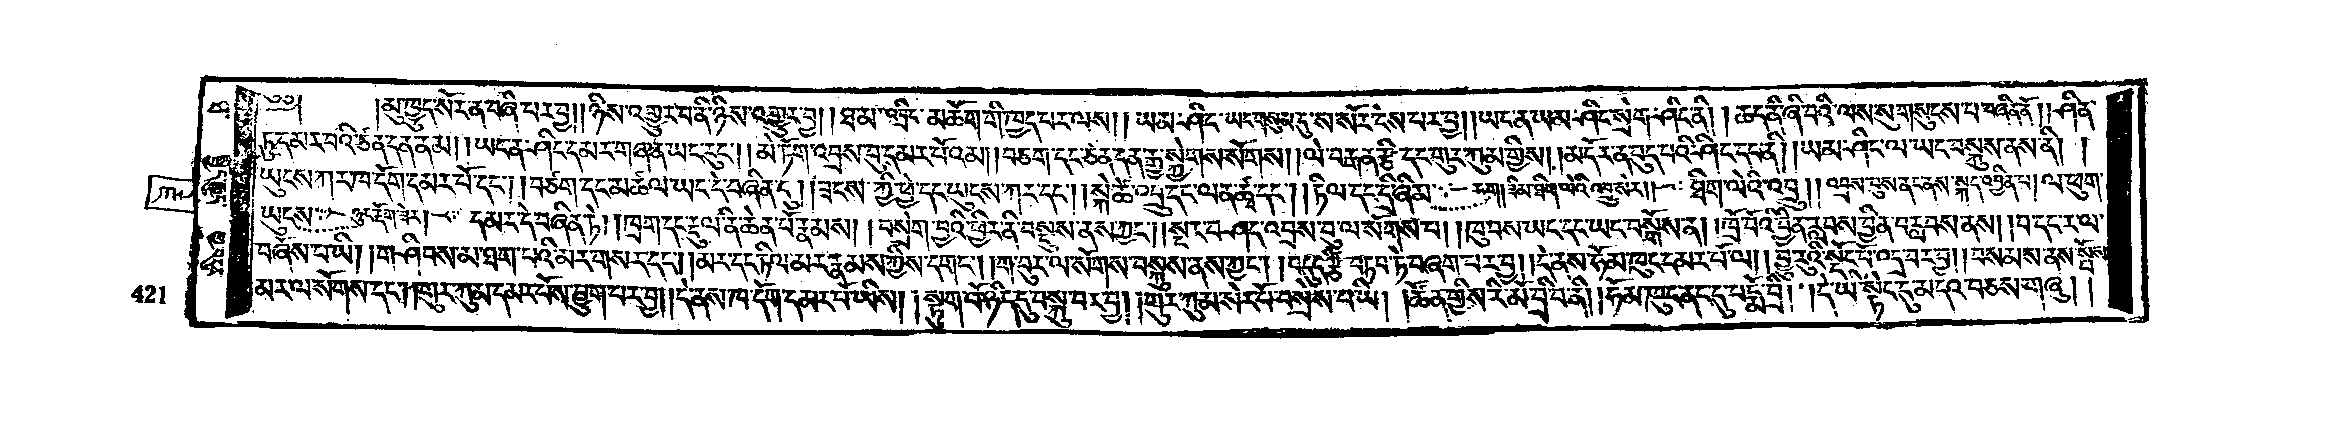༄༅། །མུ་ཁྱུད་སོར་ནི་བཞི་པར་བྱ། །ཉིས་འགྱུར་བ་ནི་ཉིས་འགྱུར་བྱ། །ཐ་མ་འབྲིང་མཆོག་གི་ཁྱད་པར་ལས། །ཡམ་ཤིང་ཡང་གསུམ་དུ་ས་སོར་ངེས་པར་བྱ། །ཡང་ན་ཡམ་ཤིང་སྲེག་ཤིང་ནི། །ཆད་ནི་ཞི་བའི་ལས་སུ་གསུངས་པ་བཞིན་ནོ། །ཤིན་
ཏུ་དམར་བའི་ཙན་དན་ནམ། །ཡང་ན་ཤིང་དམར་གཞན་ཡང་རུང་། །མེ་ཏོག་འབྲས་བུ་དམར་པོ་འམ། །བཅག་དང་ཙན་དན་རྒྱ་སྐྱེགས་སོགས། །ལེ་བརྒན་རྩི་དང་གུར་ཀུམ་གྱིས། །མདོར་ན་བུད་པའི་ཤིང་དང་ནི། །ཡམ་ཤིང་ལ་ཡང་བསྐུས་ནས་ནི། །
ཡུངས་ཀར་ཁ་དོག་དམར་པོ་དང་། །བཙག་དང་མཚལ་ཡང་དེ་བཞིན་དུ། །ཟངས་ཀྱི་ཕྱེ་དང་ཡུངས་ཀར་དང་། །སྐེ་ཚེ་འབྲུ་དང་ལན་ཚྭ་དང་། །ཏིལ་དང་དྲི་ཞིམཿ་ཆག །ཟིམ་ཐིག་ལེའི་འབྲུ་སེར།། .H ཐིག་ལེའི་འབྲུ། །འབྲས་བུས་ནང་ནས་སྐད་འབྱིན་པ།  ལ་ཕུག་
ཡུངསཿ་ཉུང་རྡོག་ཟེར།  .Hདམར་དེ་བཞིན་ཏེ། །ཁྲག་དང་རྡུལ་ནི་ཆེན་པོ་རྣམས། །བསྲེག་བྱའི་ཕྱིར་ནི་བསྡུས་ནས་ཀྱང་། །སྔར་བཤད་འབྲས་བུ་ལ་སོགས་པ། །ཁུ་བས་ཡང་དང་ཡང་བསྒོས་ན། །ཁྲོ་བོའི་བྱིན་རླབས་བྱིན་བརླབས་ནས། །བ་དང་ར་ལ་
བཞོས་པ་ཡི། །གཤིབས་མ་ཐག་པའི་མར་གསར་དང་། །མར་དང་ཏིལ་མར་རྣམས་ཀྱིས་དགང་། །ག་བུར་ལ་སོགས་བསྐུས་ནས་ཀྱང་། །བདུད་རྩི་བཏབ་ཏེ་བཞག་པར་བྱ། །དེ་ནས་ཧོམ་ཁུང་དམར་པོ་ལ། །བྱུ་རུའི་སྡོང་པོ་འདྲ་བར་བྱ། །བསམས་ནས་སྤོས་
མར་ལ་སོགས་དང་། །གུར་ཀུམ་དམར་པོས་བྱུག་པར་བྱ། །དེ་ནས་ཁ་དོག་དམར་པོ་ཡིས། །སྟུག་པོ་ཉིད་དུ་བསྐུ་བར་བྱ། །གུར་ཀུམ་སེར་པོ་བསྲེས་པ་ཡི། །ཚོན་གྱིས་རི་མོ་བྲི་བ་ནི། །ཧོམ་ཁུང་ནང་དུ་པདམོ་བྲི། །དེ་ཡི་སྟེང་དུ་མདའ་བཅས་གཞུ། །